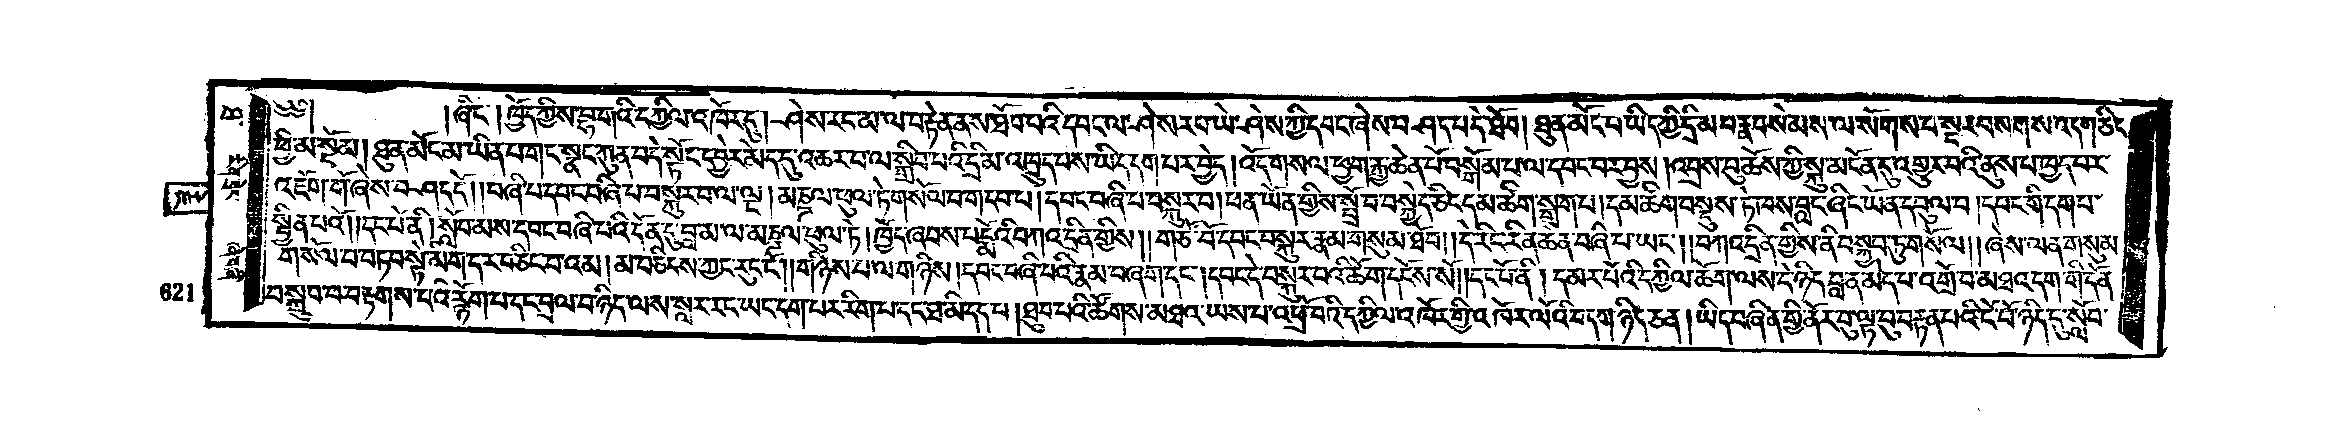༄༅། །ཞིང་། ཁྱོད་ཀྱིས་བྷ་གའི་དཀྱིལ་འཁོར་དུ། ཤེས་རབ་མ་ལ་བརྟེན་ནས་ཐོབ་པའི་དབང་ལ་ཤེས་རབ་ཡེ་ཤེས་ཀྱི་དབང་ཞེས་བཤད་པ་དེ་ཐོབ། ཐུན་མོང་བ་ཡིད་ཀྱི་དྲི་མ་བརྣབ་སེམས་ལ་སོགས་པ་སྔར་བསགས་འདག་?་བཅིང་
ཕྱི་མ་སྡོམ། ཐུན་མོང་མ་ཡིན་པ་གང་སྣང་ཀུན་བདེ་སྟོང་དབྱེར་མེད་དུ་འཆར་བ་ལ་སྒྲིབ་པའི་དྲི་མ་འཁྲུད་པས་ཡིད་དག་པར་བྱེད། འོད་གསལ་ཕྱག་རྒྱ་ཆེན་པོ་བསྒོམ་པ་ལ་དབང་བར་བྱས། འབྲས་བུ་ཆོས་ཀྱི་སྐུ་མངོན་དུ་འགྱུར་བའི་ནུས་པ་ཁྱད་པར་
འཇོག་གོ་ཞེས་བཤད་དོ། །བཞི་པ་དབང་བཞི་པ་བསྐུར་བ་ལ་ལྔ། མཎྜལ་ཕུལ་ཏེ་གསོལ་བ་གདབ་པ། དབང་བཞི་པ་བསྐུར་བ། ཕན་ཡོན་གྱིས་སྤྲོ་བ་བསྐྱེད་ཅིང་དམ་ཚིག་སྒྲག་པ། དམ་ཚིག་བསྡུས་ཏེ་ཁས་བླང་ཞིང་ཡོན་དབུལ་བ། དབང་གི་དག་པ་
སྦྱིན་པའོ། །དང་པོ་ནི། སློབ་མས་དབང་བཞི་པའི་དོན་དུ་བླ་མ་ལ་མཎྜལ་ཕུལ་ཏེ། ཁྱོད་ཞབས་པདམོའི་བཀའ་དྲིན་གྱིས། །གཙོ་བོ་དབང་བསྐུར་རྣམ་གསུམ་ཐོབ། །དེ་རིང་རིན་ཆེན་བཞི་པ་ཡང་། །བཀའ་དྲིན་གྱིས་ནི་བསྐྱབ་ཏུ་གསོལ། །ཞེས་ལན་གསུམ་
གསོལ་བ་བཏབ་སྟེ་མིག་དར་བཅིང་བ་འམ། མ་བཅིངས་ཀྱང་རུང་ངོ། །གཉིས་པ་ལ་གཉིས། དབང་བཞི་པའི་རྣམ་བཞག་དང་། དབང་དེ་བསྐུར་བའི་ཆོ་ག་དངོས་སོ། །དང་པོ་ནི། དམར་པོའི་དཀྱིལ་ཆོག་ལས་དེ་ཉིད་བླ་ན་མེད་པ་འགྲོ་བ་མཐའ་དག་གི་དོན་
བསྒྲུབ་པ་བརྟགས་པའི་རྙོག་པ་དང་བྲལ་བ་ཉིད་ལས་སླར་རང་ཡང་དག་པར་རིག་པ་དང་ཐ་མི་དད་པ། ཐུབ་པའི་ཚོགས་མཐའ་ཡས་པ་འཕྲོ་བའི་དཀྱིལ་འཁོར་གྱི་འཁོར་ལོའི་བདག་ཉིད་ཅན། ཡིད་བཞིན་གྱི་ནོར་བུ་ལྟ་བུ་བརྟན་པའི་ངོ་བོ་ཉིད་དུ་སློབ་